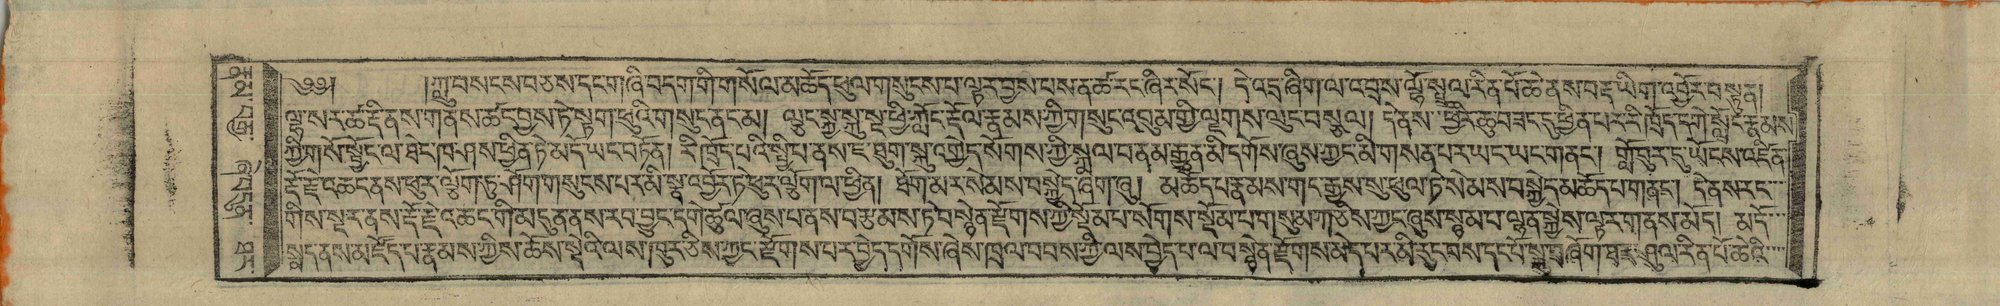༄༅། །ཀླུ་བསངས་བཅས་དང་གཞི་བདག་གི་གསོལ་མཆོད་ཕུལ་གསུངས་པ་ལྟར་བྱས་པས་ན་ཚ་རང་ཞིར་སོང་། དེ་འདྲ་ཞིག་ལ་འབྲས་ལྷོ་སྤྲུལ་རིན་པོ་ཆེ་ནས་བརྡ་ཡིག་འབྱོར་བསྟུན།
ལྷ་སར་ཚ་རྡི་ནས་གནས་ཚང་བྱས་ཏེ་སྟག་ཕུའི་གསུང་ནང་མ། ལྕང་སྐྱ་སྐུ་སྔ་ཕྱི་ཀློང་རྡོལ་རྣམས་ཀྱི་གསུང་འབུམ་གྱི་ལྗགས་ལུང་བསྩལ། དེ་ནས་ཕྱིར་ཆུ་བཟང་དུ་ཕྱིན་པར་རི་ཁྲོད་དགེ་སློང་རྣམས་
ཀྱི་གསོ་སྦྱོང་ལ་ཐེང་ཁ་ཤས་ཕྱིན་ཏེ་མདོ་ཡང་བཏོན། རི་ཁྲོད་པའི་སྤྱི་པ་ནས་ཇ་ཐུག་སྐུ་འགྱེད་སོགས་ཀྱི་སྐལ་བ་ནམ་རྒྱུན་མི་དགོས་ཞུས་ཀྱང་མི་གསན་པར་ཡང་ཡང་གནང་། གློ་བུར་དུ་ཡོངས་འཛིན་
རྡོ་རྗེ་འཆང་ནས་ཕུར་ལྕོག་ཏུ་ཤོག་གསུངས་པར་མི་སྣ་འབྱོར་ཏེ་ཕུར་ལྕོག་ལ་ཕྱིན། ཐོག་མར་སེམས་བསྐྱེད་ཞིག་ཞུ། མཆོད་པ་རྣམས་གང་རྒྱས་སུ་ཕུལ་ཏེ་སེམས་བསྐྱེད་མཆོད་པ་གནང་། དེ་ནས་རང་
གིས་སྔར་ནས་རྡོ་རྗེ་འཆང་གི་མདུན་ནས་རབ་བྱུང་དགེ་ཚུལ་ཞུས་པ་ནས་བརྩམས་ཏེ་བསྙེན་རྫོགས་ཀྱི་སྡོམ་པ་སོགས་སྡོམ་པ་གསུམ་ཀ་ཅིས་ཀྱང་ཞུས་སྙམ་པ་ལྷན་སྐྱེས་ལྟར་གནས་མོད། མདོ་
སྨད་ནས་མཛོད་པ་རྣམས་ཀྱིས་ཆོས་སྡེའི་ལས་ཁུར་ཅིས་ཀྱང་རྫོགས་པར་བྱེད་དགོས་ཞེས་ཁྲལ་བབས་ཀྱི་ལས་བྱེད་པ་ལ་བསྙེན་རྫོགས་མེད་པར་མི་རུང་བས་དང་པོ་སྐུ་བཞོག་ཐར་ཤུལ་རིན་པོ་ཆེའི་